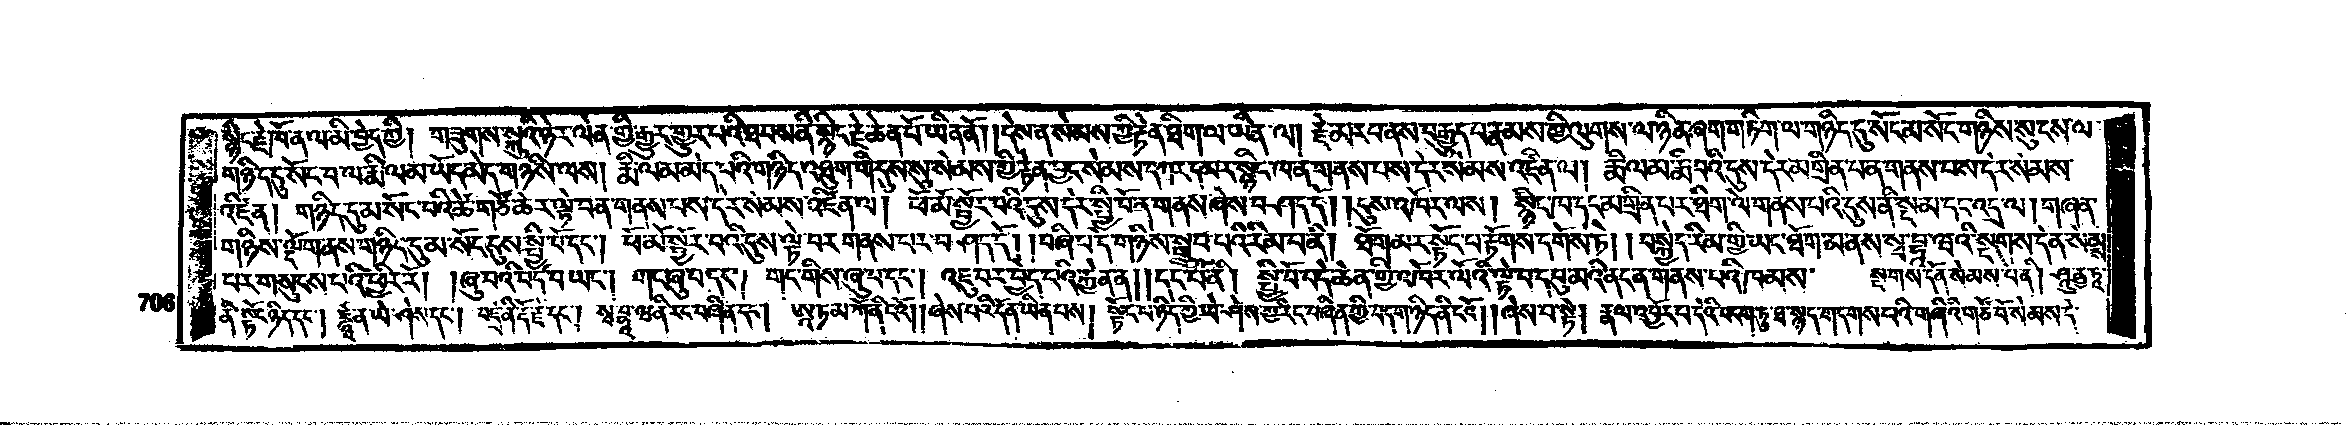སྙིང་རྗེ་ཁོ་ན་ལ་མི་བྱེད་ཀྱི། གཟུགས་སྐུའི་ཉེར་ལེན་གྱི་རྒྱུར་གྱུར་པའི་ཐབས་ནི་སྙིང་རྗེ་ཆེན་པོ་ཡིན་ནོ། །དེས་ན་སེམས་ཀྱི་རྟེན་ཐོག་ལ་ཡིན་ལ། རྗེ་མར་པ་ནས་བརྒྱུད་པ་རྣམས་ཀྱི་ལུགས་ལ་ཉིན་ཞག་གཅིག་ལ་གཉིང་དུ་སོང་མ་སོང་གཉིས་སུ་ངེས་ལ་
གཉིད་དུ་སོང་བ་ལ་རྨི་ལམ་ཡོད་མེད་གཉིས་ལས། རྨི་ལམ་མེད་པའི་གཉིད་འཐུག་གི་དུས་སུ་སེམས་ཀྱི་རྟེན་བྱང་སེམས་དཀར་དམར་སྙིང་ཁ་ན་གནས་པས་དེར་སེམས་འཛིན་ལ། རྨི་ལམ་རྨི་བའི་དུས་དེར་མགྲིན་པ་ན་གནས་པས་དེར་སེམས་
འཛིན། གཉིད་དུ་མ་སོང་བའི་ཚེ་གཙོ་ཆེར་ལྟེ་བ་ན་གནས་པས་དིར་སེམས་འཛིན་ལ། ཕོ་མོ་སྦྱོར་བའི་དུས་དེར་སྤྱི་བོ་ན་གནས་ཞེས་བཤད་དོ། །དུས་འཁོར་ལས། སྙིང་ཁ་དང་མགྲིན་པར་ཐིག་ལེ་གནས་པའི་དུས་ནི་སྔ་མ་དང་འདྲ་ལ། གཞན་
གཉིས་ལྡོག་ནས་གཉིད་དུ་མ་སོང་དུས་སྤྱི་བོ་དང་། ཕོ་མོ་སྦྱོར་བའི་དུས་ལྟེ་བར་གནས་པར་བཤད་དོ། །བཞི་པ་དེ་གཉིས་སྒྲུབ་པའི་རིམ་པ་ནི། ཐོག་མར་སྟོང་པ་རྟོགས་དགོས་ཏེ། །བསྐྱེད་རིམ་གྱི་ཡང་ཐོག་མ་ནས་སྭ་བྷཱ་ཝའི་སྔགས་དེ་ན་སེམས་
པར་གསུངས་པའི་ཕྱིར་རོ། །ཞུ་བའི་བདེ་བ་ཡང་། གང་ཞུ་བ་དང་། གང་གིས་ཞུ་པ་དང་། འཇུ་བར་བྱེད་པའི་རྐྱེན་ན། །དང་པོ་ནི། སྤྱི་བོ་བདེ་ཆེན་གྱི་འཁོར་ལོའི་ལྟེ་བ་དབུ་མའི་ནང་ན་གནས་པའི་ཁམས་སྔགས་དོན་སེམས་པ་ན། ཤཱུ་ནྱ་ཏཱ་
ནི་སྟོང་ཉིད་དང་། ཛྙཱ་ནི་ཡེ་ཤེས་དང་། བཛྲ་ནི་རྡོ་རྗེ་དང་། སྭ་བྷཱ་ཝ་ནི་རང་བཞིན་དང་། ཨཝ་ཏ་མ་ཀོ་ནི་ངའོ། །ཞེས་པའི་དོན་ཡིན་པས། སྟོང་པ་ཉིད་ཀྱི་ཡེ་ཤེས་ཀྱི་རང་བཞིན་གྱི་བདག་ཉིད་ནི་ངའོ། །ཞེས་པ་སྟེ། རྣལ་འབྱོར་པ་དེའི་བདག་ཏུ་ཐ་སྙེད་གདགས་པའི་གཞིའི་གཙོ་བོ་སེམས་དེ་